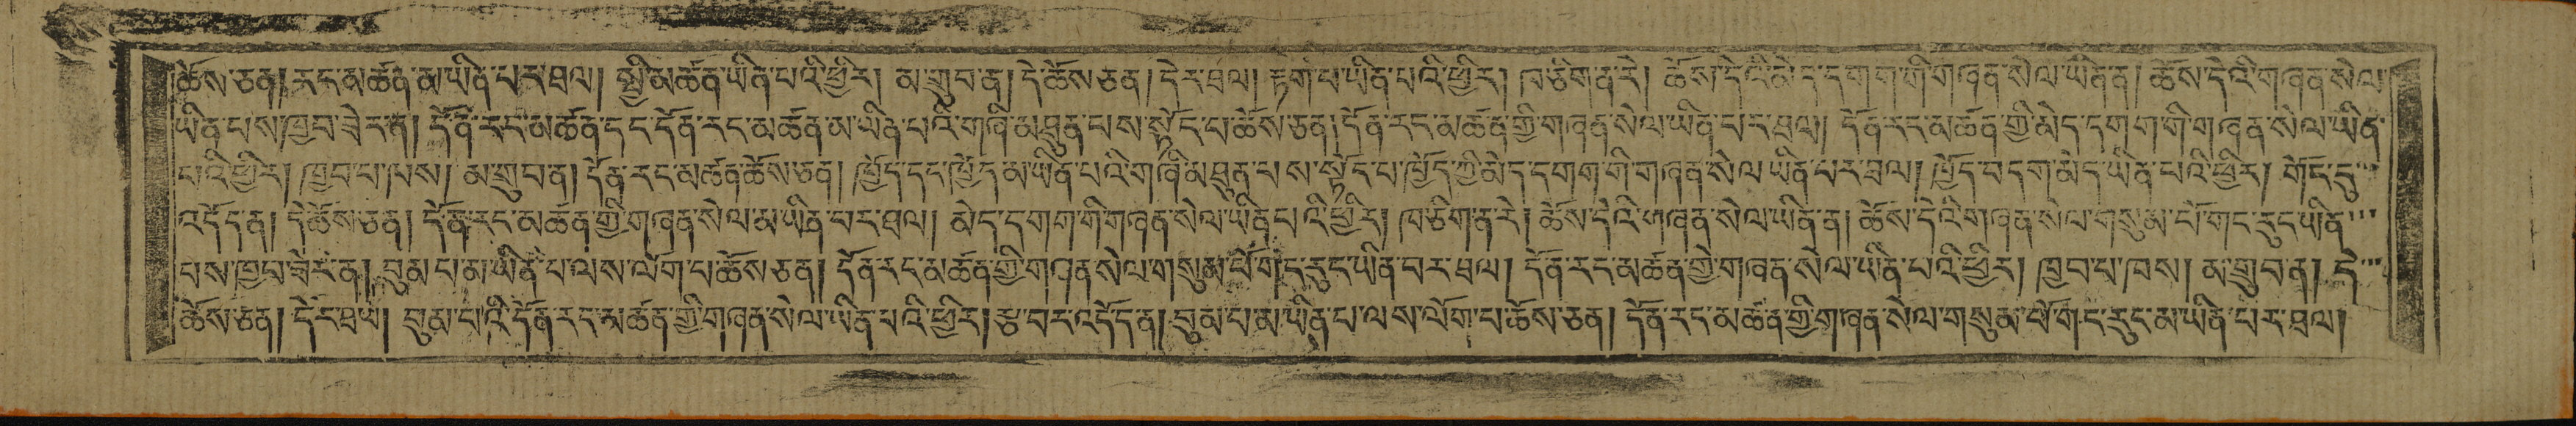ཆོས་ཅན། རང་མཚན་མ་ཡིན་པར་ཐལ། སྤྱི་མཚན་ཡིན་པའི་ཕྱིར། མ་གྲུབ་ན། དེ་ཆོས་ཅན། དེར་ཐལ། རྟག་པ་ཡིན་པའི་ཕྱིར། ཁ་ཅིག་ན་རེ། ཆོས་དེའི་མེད་དགག་གི་གཞན་སེལ་ཡིན་ན། ཆོས་དེའི་གཞན་སེལ་
ཡིན་པས་ཁྱབ་ཟེར་ན། དོན་རང་མཚན་དང་དོན་རང་མཚན་མ་ཡིན་པའི་གཞི་མཐུན་པས་སྟོང་པ་ཆོས་ཅན། དོན་རང་མཚན་གྱི་གཞན་སེལ་ཡིན་པར་ཐལ། དོན་རང་མཚན་གྱི་མེད་དགག་གི་གཞན་སེལ་ཡིན་
པའི་ཕྱིར། ཁྱབ་པ་ཁས། མ་གྲུབ་ན། དོན་རང་མཚན་ཆོས་ཅན། ཁྱོད་དང་ཁྱོད་མ་ཡིན་པའི་གཞི་མཐུན་པས་སྟོང་པ་ཁྱོད་ཀྱི་མེད་དགག་གི་གཞན་སེལ་ཡིན་པར་ཐལ། ཁྱོད་བདག་མེད་ཡིན་པའི་ཕྱིར། གོང་དུ་
འདོད་ན། དེ་ཆོས་ཅན། དོན་རང་མཚན་གྱི་གཞན་སེལ་མ་ཡིན་པར་ཐལ། མེད་དགག་གི་གཞན་སེལ་ཡིན་པའི་ཕྱིར། ཁ་ཅིག་ན་རེ། ཆོས་དེའི་གཞན་སེལ་ཡིན་ན། ཆོས་དེའི་གཞན་སེལ་གསུམ་པོ་གང་རུང་ཡིན་
པས་ཁྱབ་ཟེར་ན། བུམ་པ་མ་ཡིན་པ་ལས་ལོག་པ་ཆོས་ཅན། དོན་རང་མཚན་གྱི་གཞན་སེལ་གསུམ་པོ་གང་རུང་ཡིན་པར་ཐལ། དོན་རང་མཚན་གྱི་གཞན་སེལ་ཡིན་པའི་ཕྱིར། ཁྱབ་པ་ཁས། མ་གྲུབ་ན། དེ་
ཆོས་ཅན། དེར་ཐལ། བུམ་པའི་དོན་རང་མཚན་གྱི་གཞན་སེལ་ཡིན་པའི་ཕྱིར། རྩ་བར་འདོད་ན། བུམ་པ་མ་ཡིན་པ་ལས་ལོག་པ་ཆོས་ཅན། དོན་རང་མཚན་གྱི་གཞན་སེལ་གསུམ་པོ་གང་རུང་མ་ཡིན་པར་ཐལ།